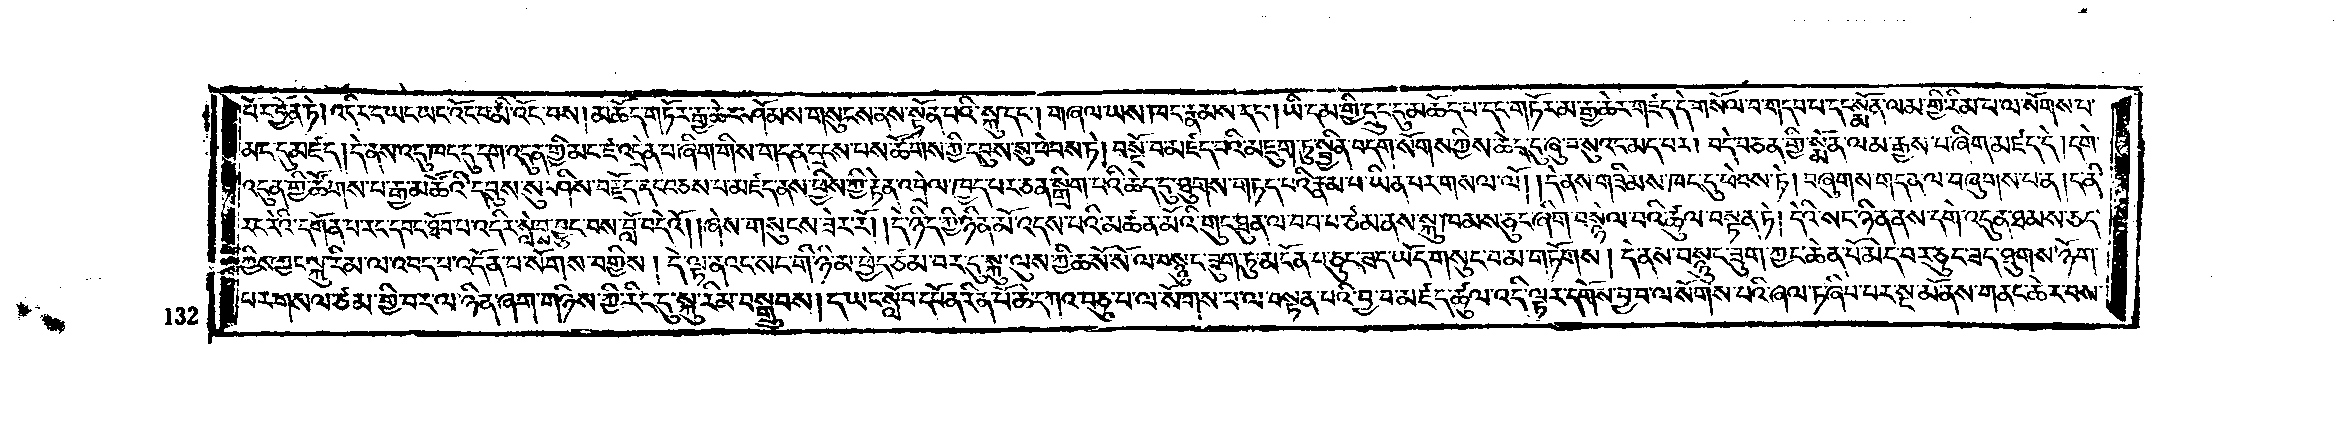པོར་བྱོན་ཏེ། འདིར་ང་ཡང་ཡང་འོང་པ་མི་འོང་བས། མཆོད་གཏོར་རྒྱ་ཆེར་ཤོམས་གསུངས་ནས་སྟོན་པའི་སྐུ་དང་། གཞལ་ཡས་ཁང་རྣམས་དང་། ཡི་དམ་གྱི་དྲུང་དུ་མཆོད་པ་དང་གཏོར་མ་རྒྱ་ཆེར་གྫད་དེ་གསོལ་བ་གདབ་པ་དང་སྨོན་ལམ་གྱི་རིམ་པ་ལ་སོགས་པ་
མང་དུ་མཛད། དེ་ནས་འདུ་ཁང་དུ་དག་འདུན་གྱི་མང་ཛ་འདྲེན་པ་ཞིག་གིས་གདན་དྲངས་པས་ཚོགས་ཀྱི་དབུས་སུ་ཕེབས་ཏེ། བསྔོ་བ་མཛད་པའི་མཇུག་ཏུ་སྦྱིན་བདག་སོགས་ཀྱིས་ཆེད་དུ་ཞུ་བ་སུའང་མེད་པར། བདེ་བ་ཅན་གྱི་སྨོན་ལམ་རྒྱས་པ་ཞིག་མཛད་དེ། དགེ་
འདུན་གྱི་ཚོགས་པ་རྒྱ་མཚོའི་དབུས་སུ་ཤིས་བརྗོད་དང་བཅས་པ་མཛད་ནས་ཕྱིས་ཀྱི་རྟེན་འབྲེལ་ཁྱད་པར་ཅན་སྒྲིག་པའི་ཆེད་དུ་ཐུགས་གཏད་པའི་རྣམ་པ་ཡིན་པར་གསལ་ལོ། །དེ་ནས་གཟིམས་ཁང་དུ་ཕེབས་ཏེ། བཞུགས་གདན་ལ་བཞུགས་པ་ན། ད་ནི་
རང་རེའི་དགོན་པ་རང་དབང་ཐོབ་པ་འདིར་སླེབས་བྱུང་བས་བློ་བདེའོ། །ཞེས་གསུངས་ཟེར་རོ། །དེ་ཉིད་ཀྱི་ཉིན་མོ་འདས་པའི་མཚན་མོའི་གུང་ཐུན་ལ་བབ་པ་ཙམ་ནས་སྐུ་ཁམས་ཅུང་ཞིག་བསྙེལ་བའི་ཚུལ་བསྟན་ཏེ། དེའི་སང་ཉིན་ནས་དགེ་འདུན་ཐམས་ཅད་
ཀྱིས་ཀྱང་སྐུ་རིམ་ལ་འབད་པ་འདོན་པ་སོགས་བགྱིས། དེ་ལྟ་ནའང་སང་གི་ཉི་མ་ཕྱེད་ཙམ་བར་དུ་སྐུ་ལུས་ཀྱི་ཆ་སོ་སོ་ལ་བསྙུང་ཟུག་ཏུ་མངོན་པ་ཅུང་ཟད་ཡོད་གསུང་བ་མ་གཏོགས། དེ་ནས་བསྙུང་ཟུག་ཀྱང་ཆེན་པོ་མེད་བར་ཅུང་ཟད་ཐུགས་ཉོག་
པར་གསལ་ཙམ་གྱི་བར་ལ་ཉིན་ཞག་གཉིས་ཀྱི་རིང་དུ་སྐུ་རིམ་བསྒྲུབས། ད་ཡང་སློབ་དཔོན་རིན་པོ་ཆེ་དཀའ་བཅུ་པ་ལ་སོགས་པ་ལ་བསྟན་པའི་བྱ་བ་མཛད་ཚུལ་འདི་ལྟར་དགོས་བྱ་བ་ལ་སོགས་པའི་ཞལ་ཏ་ཞིབ་པར་སྔ་མོ་ནས་གནང་ཆེར་བས་